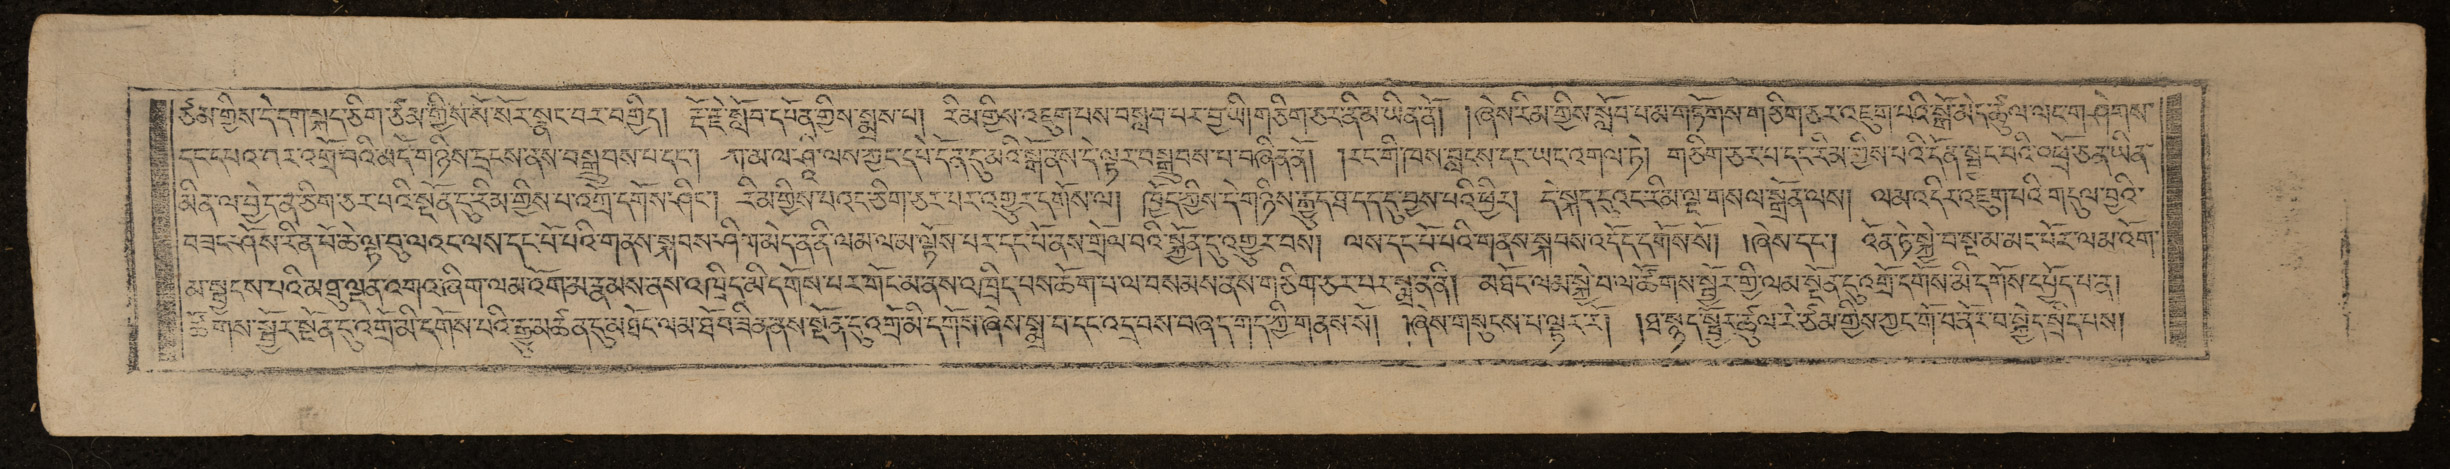ཙམ་གྱིས་དེ་དག་སྐད་ཅིག་ཙམ་གྱིས་སོ་སོར་སྣང་བར་བགྱིད། རྡོ་རྗེ་སློབ་དཔོན་གྱིས་སྨྲས་པ། རིམ་གྱིས་འཇུག་པས་བསླབ་པར་བྱ་ཡི། །ཅིག་ཅར་ནི་མ་ཡིན་ནོ། །ཞེས་རིམ་གྱིས་སློབ་བ་མ་གཏོགས་ཅིག་ཅར་འཇུག་པའི་སྒོ་མེད་ཚུལ་ལང་གཤེགས་
དང་དཔའ་བར་འགྲོ་བའི་མདོ་གཉིས་དྲངས་ནས་བསྒྲུབས་པ་དང་། ཀ་མ་ལ་ཤཱི་ལས་ཀྱང་དཔེ་དོན་དུ་མའི་སྒོ་ནས་དེ་ལྟར་བསྒྲུབས་པ་བཞིན་ནོ། །རང་གི་ཁས་བླངས་དང་ཡང་འགལ་ཏེ། ཅིག་ཅར་བ་དང་རིམ་གྱིས་བའི་དོན་སྦྱང་བའི་འཕྲོ་ཅན་ཡིན་
མིན་ལ་བྱེད་ན་ཅིག་ཅར་བའི་སྔོན་དུ་རིམ་གྱིས་པ་འགྲོ་དགོས་ཤིང་། རིམ་གྱིས་པའང་ཅིག་ཅར་པར་འགྱུར་དགོས་ལ། ཁྱོད་ཀྱིས་དེ་གཉིས་རྒྱུད་ཐ་དད་དུ་བྱས་བའི་ཕྱིར། དེ་སྐད་དུའང་རིམ་ལྔ་གསལ་སྒྲོན་ལས། ལམ་འདིར་འཇུག་པའི་གདུལ་བྱའི་
བཟང་ཤོས་རིན་པོ་ཆེ་ལྟ་བུ་ལའང་ལས་དང་པོ་བའི་གནས་སྐབས་ཤིག་མེད་ན་ནི་ལམ་ལ་མ་ལྟོས་པར་དང་པོ་ནས་གྲོལ་བའི་སྐྱོན་དུ་འགྱུར་པས། ལས་དང་པོ་བའི་གནས་སྐབས་འདོད་དགོས་སོ། །ཞེས་དང་། འོན་ཏེ་སྐྱེ་བ་སྔ་མ་མང་པོར་ལམ་འོག་
མ་སྦྱངས་པའི་མཐུ་ལྡན་འགའ་ཞིག་ལམ་འོག་མ་རྣམས་ནས་འཁྲིད་མི་དགོས་པར་གོང་མ་ནས་འཁྲིད་བས་ཆོ་ག་བ་ལ་བསམས་ནས་ཅིག་ཅར་བར་སྨན་ནི། མཐོང་ལམ་སྐྱེ་བ་ལ་ཚོགས་སྦྱོར་གྱི་ལམ་སྔོན་དུ་འགྲོ་དགོས་མི་དགོས་དཔྱོད་པ་ན།
ཚོགས་སྦྱོར་སྔོན་དུ་འགྲོ་མི་དགོས་པའི་རྒྱུ་མཚན་དུ་མཐོང་ལམ་ཐོ་བ་ཟིན་ནས་སྔོན་དུ་འགྲོ་མི་དགོས་ཞེས་སྨྲ་བ་དང་འདྲ་བས་བཞང་གང་གྱི་གནས་སོ། །ཞེས་གསུངས་བ་ལྟར་རོ། །ཐ་སྙད་སྦྱོར་ཚུལ་རེ་ཙམ་གྱིས་ཀྱང་གོ་བ་ནོར་བ་སྐྱེད་སྲིད་པས།